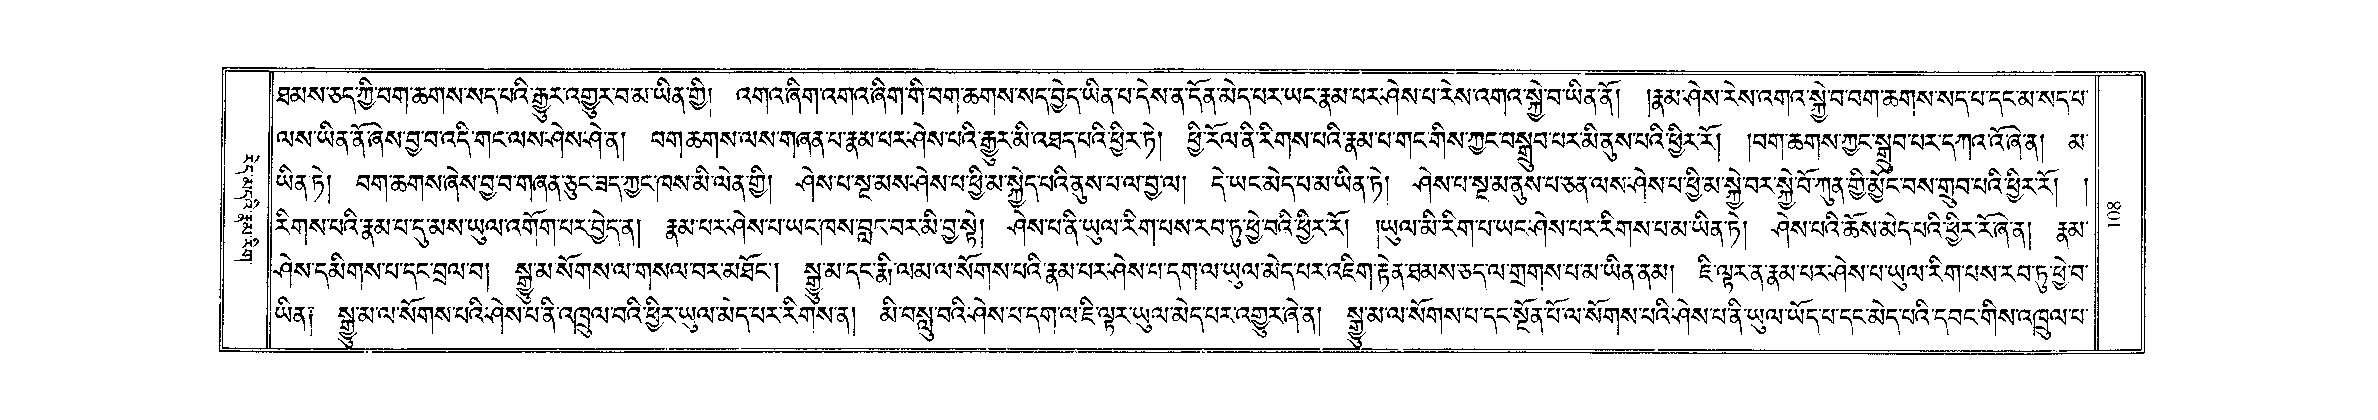ཐམས་ཅད་ཀྱི་བག་ཆགས་སད་པའི་རྒྱུར་འགྱུར་བ་མ་ཡིན་གྱི། འགའ་ཞིག་འགའ་ཞིག་གི་བག་ཆགས་སད་བྱེད་ཡིན་པ་དེས་ན་དོན་མེད་པར་ཡང་རྣམ་པར་ཤེས་པ་རེས་འགའ་སྐྱེ་བ་ཡིན་ནོ། །རྣམ་ཤེས་རས་འགའ་སྐྱེ་བ་བག་ཆགས་སད་པ་དང་མ་སད་པ་
ལས་ཡིན་ནོ་ཞེས་བྱ་བ་འདི་གང་ལས་ཤེས་ཤེ་ན། བག་ཆགས་ལས་གཞན་པ་རྣམ་པར་ཤེས་པའི་རྒྱུར་མི་འཐད་པའི་ཕྱིར་ཏེ། ཕྱི་རོལ་ནི་རིགས་པའི་རྣམ་པ་གང་གིས་ཀྱང་བསྒྲུབ་པར་མི་ནུས་པའི་ཕྱིར་རོ། །བག་ཆགས་ཀྱང་སྒྲུབ་པར་དཀའ་འོ་ཞེ་ན། མ་
ཡིན་ཏེ། བག་ཆགས་ཞེས་བྱ་བ་གཞན་ཅུང་ཟད་ཀྱང་ཁས་མི་ལེན་གྱི། ཤེས་པ་སྔ་མས་ཤེས་པ་ཕྱི་མ་སྐྱེད་པའི་ནུས་པ་ལ་བྱ་ལ། དེ་ཡང་མེད་པ་མ་ཡིན་ཏེ། ཤེས་པ་སྔ་མ་ནུས་པ་ཅན་ལས་ཤེས་པ་ཕྱི་མ་སྐྱེ་བར་སྐྱེ་བོ་ཀུན་གྱི་མྱོང་བས་གྲུབ་པའི་ཕྱིར་རོ། །
རིགས་པའི་རྣམ་པ་དུ་མས་ཡུལ་འགོག་པར་བྱེད་ན། རྣམ་པར་ཤེས་པ་ཡང་ཁས་བླང་བར་མི་བྱ་སྟེ། ཤེས་པ་ནི་ཡུལ་རིག་པས་རབ་ཏུ་ཕྱེ་བའི་ཕྱིར་རོ། །ཡུལ་མི་རིག་པ་ཡང་ཤེས་པར་རིགས་པ་མ་ཡིན་ཏེ། ཤེས་པའི་ཆོས་མེད་པའི་ཕྱིར་རོ་ཞེ་ན། རྣམ་
ཤེས་དམིགས་པ་དང་བྲལ་བ། སྒྱུ་མ་སོགས་ལ་གསལ་བར་མཐོང་། སྒྱུ་མ་དང་རྨི་ལམ་ལ་སོགས་པའི་རྣམ་པར་ཤེས་པ་དག་ལ་ཡུལ་མེད་པར་འཇིག་རྟེན་ཐམས་ཅད་ལ་གྲགས་པ་མ་ཡིན་ནམ། ཇི་ལྟར་ན་རྣམ་པར་ཤེས་པ་ཡུལ་རིག་པས་རབ་ཏུ་ཕྱེ་བ་
ཡིན༑ སྒྱུ་མ་ལ་སོགས་པའི་ཤེས་པ་ནི་འཁྲུལ་པའི་ཕྱིར་ཡུལ་མེད་པར་རིགས་ན། མི་བསླུ་བའི་ཤེས་པ་དག་ལ་ཇི་ལྟར་ཡུལ་མེད་པར་འགྱུར་ཞེ་ན། སྒྱུ་མ་ལ་སོགས་པ་དང་སྔོན་པོ་ལ་སོགས་པའི་ཤེས་པ་ནི་ཡུལ་ཡོད་པ་དང་མེད་པའི་དབང་གིས་འཁྲུལ་པ་